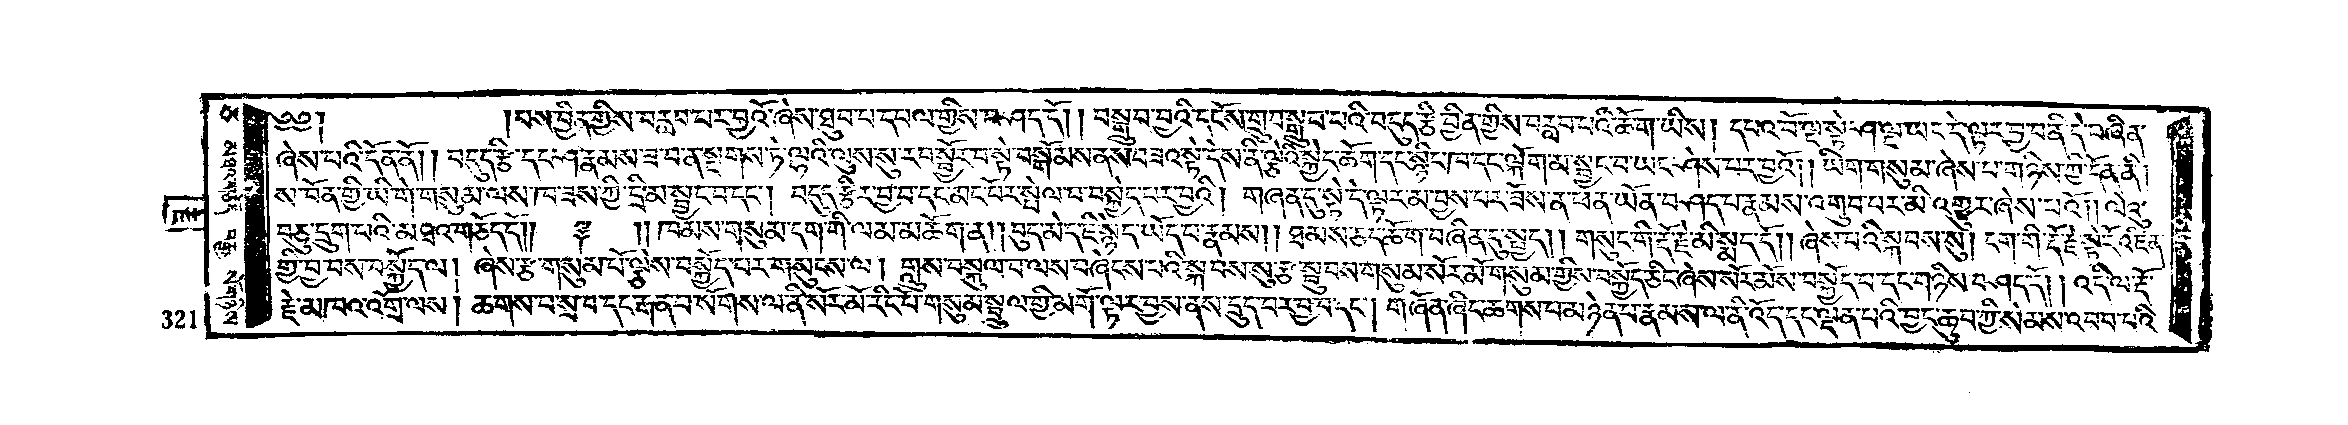༄༅། །པས་བྱིན་གྱིས་བརླབ་པར་བྱའོ་ཞེས་ཐུབ་པ་དཔལ་གྱིས་བཤད་དོ། །བསྒྲུབ་བྱའི་དངོས་གྲུབ་སྒྲུབ་པའི་བདུད་རྩི་བྱིན་གྱིས་བརླབ་པའི་ཆོ་ག་ཡིས། དཔའ་བོ་ལྔ་སྟེ་ཤ་ལྔ་ཡང་དེ་ལྟར་བྱ་བ་ནི་དེ་བཞིན་
ཞེས་པའི་དོན་ནོ། །བདུད་རྩི་དང་ཤ་རྣམས་ཟ་བ་ན་སྔགས་ཏེ་ལྷའི་ལུས་སུ་རབ་སྦྱོར་བ་སྟེ་བསྒོམས་ནས་བཟའ་སྟེ་དེས་ནི་ལྕེའི་སྐྱེད་ཆོག་དང་སྙིང་ཁ་དང་ལྐོག་མ་སྦྱང་བ་ཡང་ཤེས་པར་བྱའོ། །ཡིག་གསུམ་ཞེས་པ་གཉིས་ཀྱི་དོན་ནི།
ས་བོན་གྱི་ཡི་གེ་གསུམ་ལས་ཁ་ཟས་ཀྱི་དྲི་མ་སྦྱང་བ་དང་། བདུད་རྩིར་བྱ་བ་དང་མང་པོར་སྤེལ་བ་བསྐྱེད་པར་བྱའི། གཞན་དུ་སྟེ་དེ་ལྟར་མ་བྱས་པར་ཟོས་ན་ཕན་ཡོན་བཤད་པ་རྣམས་འགྲུབ་པར་མི་འགྱུར་ཞེས་པའོ། །ལེའུ་
བཅུ་དྲུག་པའི་མཐའ་གཅོད་དོ།། ༈ །།ཁམས་གསུམ་དག་གི་ལམ་མཆོག་ན། །བུད་མེད་ཇི་སྙེད་ཡོད་པ་རྣམས། །ཐམས་ཅད་ཆོ་ག་བཞིན་དུ་སྤྱད། །གསུང་གི་རྡོ་རྗེ་མི་སྨད་དོ། །ཞེས་པའི་སྐབས་སུ། ངག་གི་རྡོ་རྗེ་སྟེ་རོ་འཛིན་
གྱི་བྱ་བས་བསྐྱོད་ལ། ཞེས་རྩ་གསུམ་པོ་ལྕེས་བསྐྱོད་པར་གསུངས་ལ། གླུས་བསྐུལ་བ་ལས་བཞེངས་པའི་སྐབས་སུ་རྩ་སྦུབས་གསུམ་སོར་མོ་གསུམ་གྱིས་བསྐྱོད་ཅིང་ཞེས་སོར་མོས་བསྐྱོད་པ་དང་གཉིས་བཤད་དོ། །འདི་ལ་རྡོ་
རྗེ་མཁའ་འགྲོ་ལས། ཆགས་པ་སྲ་བ་དང་རྒན་པ་སོགས་ལ་ནི་སོར་མོ་རིང་པོ་གསུམ་སྦྲུལ་གྱི་མགོ་ལྟར་བྱས་ནས་དྲུད་པར་བྱ་བ་དང་། གཞོན་ཞིང་ཆགས་པ་མཉེན་པ་རྣམས་ལ་ནི་འོད་དང་ལྡན་པའི་བྱང་ཆུབ་ཀྱི་སེམས་འབབ་པའི་